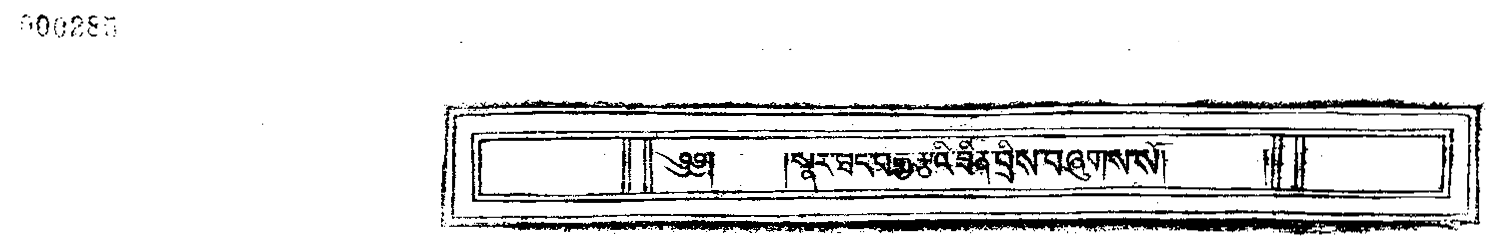༄༅། །སྣར་ཐང་བརྒྱ་རྩའི་ཟིན་བྲིས་བཞུགས་སོ། །